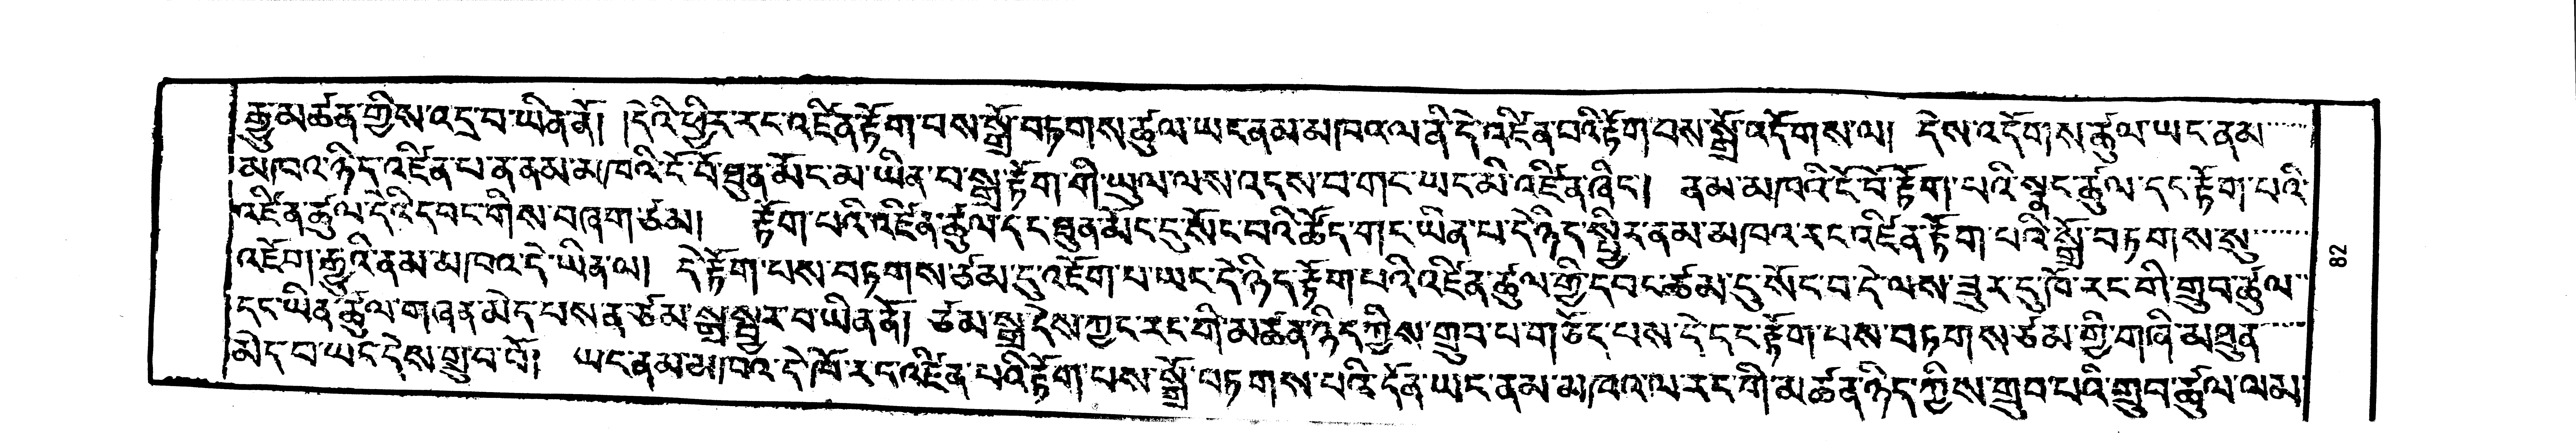རྒྱུ་མཚན་གྱིས་འདྲ་བ་ཡིན་ནོ། །དེའི་ཕྱིར་རང་འཛིན་རྟོག་པས་སྒྲོ་བཏགས་ཚུལ་ཡང་ནམ་མཁའ་ལ་ནི་དེ་འཛིན་པའི་རྟོག་པས་སྒྲོ་འདོགས་ལ། དེས་འདོགས་ཚུལ་ཡང་ནམ་
མཁའ་ཉིད་འཛིན་པ་ན་ནམ་མཁའི་ངོ་བོ་ཐུན་མོང་མ་ཡིན་པ་སྒྲ་རྟོག་གི་ཡུལ་ལས་འདས་པ་གང་ཡང་མི་འཛིན་ཞིང་། ནམ་མཁའ་ངོ་བོ་རྟོག་པའི་སྣང་ཚུལ་དང་རྟོག་པའི་
འཛིན་ཚུལ་དེའི་དབང་གིས་བཞག་ཙམ། རྟོག་པའི་འཛིན་ཚུལ་དང་ཐུན་མོང་དུ་སོང་བའི་ཚོད་གང་ཡིན་པ་དེ་ཉིད་སྤྱིར་ནམ་མཁའ་རང་འཛིན་རྟོག་པའི་སྒྲོ་བཏགས་སུ་
འཇོག་རྒྱུའི་ནམ་མཁའ་དེ་ཡིན་ལ། དེ་རྟོག་པས་བཏགས་ཙམ་དུ་འཇོག་པ་ཡང་དེ་ཉིད་རྟོག་པའི་འཛིན་ཚུལ་གྱི་དབང་ཙམ་དུ་སོང་བ་དེ་ལས་ཟུར་དུ་ཁོ་རང་གི་གྲུབ་ཚུལ་
དང་ཡིན་ཚུལ་གཞན་མེད་པས་ན་ཙམ་སྒྲ་སྦྱར་བ་ཡིན་ནོ། ཙམ་སྒྲ་དེས་ཀྱང་རང་གི་མཚན་ཉིད་ཀྱིས་གྲུབ་པ་གཅོད་པས་དེ་དང་རྟོག་པས་བཏགས་ཙམ་གྱི་གཞི་མཐུན་
མེད་པ་ཡང་དེས་གྲུབ་བོ། ཡང་ནམ་མཁའ་དེ་ཁོ་རང་འཛིན་པའི་རྟོག་པས་སྒྲོ་བཏགས་པའི་དོན་ཡང་ནམ་མཁའ་ལ་རང་གི་མཚན་ཉིད་ཀྱིས་གྲུབ་པའི་གྲུབ་ཚུལ་ལམ་